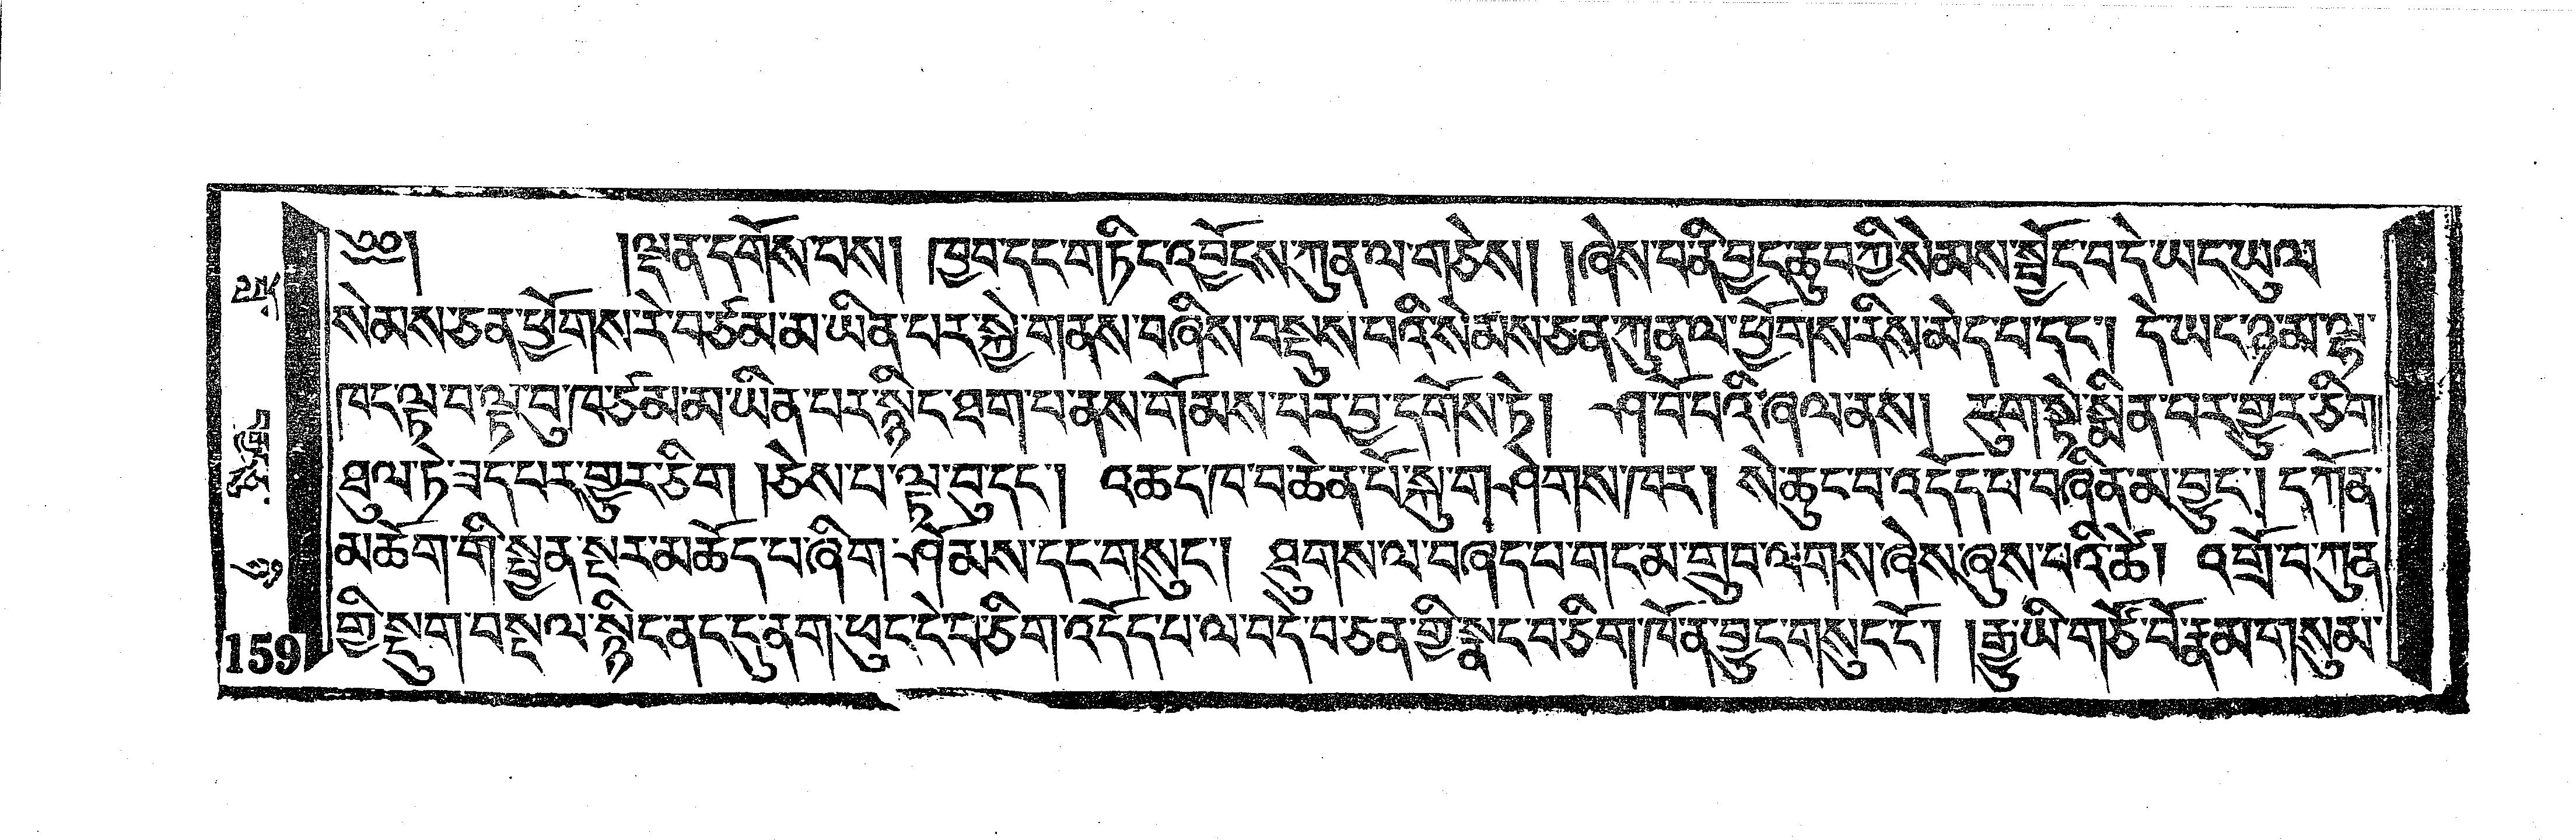༄༅། །ལྡན་དགོས་པས། ཁྱབ་དང་གཏིང་འབྱོངས་ཀུན་ལ་གཅེས། །ཞེས་པ་ནི་བྱང་ཆུབ་ཀྱི་སེམས་སྦྱོང་བ་དེ་ཡང་ཡུལ་
སེམས་ཅན་ཕྱོགས་རེ་བ་ཙམ་མ་ཡིན་པར་སྐྱེ་གནས་བཞིས་བསྡུས་པའི་སེམས་ཅན་ཀུན་ལ་ཕྱོགས་རིས་མེད་པ་དང་། དེ་ཡང་ཉ་མ་ལྷ་
ཁང་ལྟ་བ་ལྟ་བུ་ཁ་ཙམ་མ་ཡིན་པར་སྙིང་ཐག་པ་ནས་གོམས་པར་བྱ་དགོས་ཏེ། ཤ་བོ་པའི་ཞལ་ནས། རུག་སྟེ་སྨིན་པར་གྱུར་ཅིག །
ཐུལ་ཏེ་ཟད་པར་གྱུར་ཅིག །ཅེས་པ་ལྟ་བུ་དང་། འཆད་ཁ་བ་ཆེན་པོ་སྐུ་གཤེགས་ཁར། སེ་ཆུང་བ་འདོད་པ་བཞིན་མ་བྱུང་། དཀོན་
མཆོག་གི་སྤྱན་སྔར་མཆོད་པ་ཞིག་ཤོམས་དང་གསུང་། ཐུགས་ལ་བཞད་པ་གང་མ་གྲུབ་ལགས་ཞེས་ཞུས་པའི་ཚེ། འགྲོ་བ་ཀུན་
གྱི་སྡུག་བསྔལ་སྙིང་ནང་དུ་ནག་ཕུང་ངེ་བ་ཅིག་འདོད་པ་ལ་བདེ་བ་ཅན་གྱི་སྣང་བ་ཅིག་ཁོ་ན་བྱུང་གསུང་ངོ། །རྒྱུ་ཡི་གཙོ་བོ་རྣམ་གསུམ་